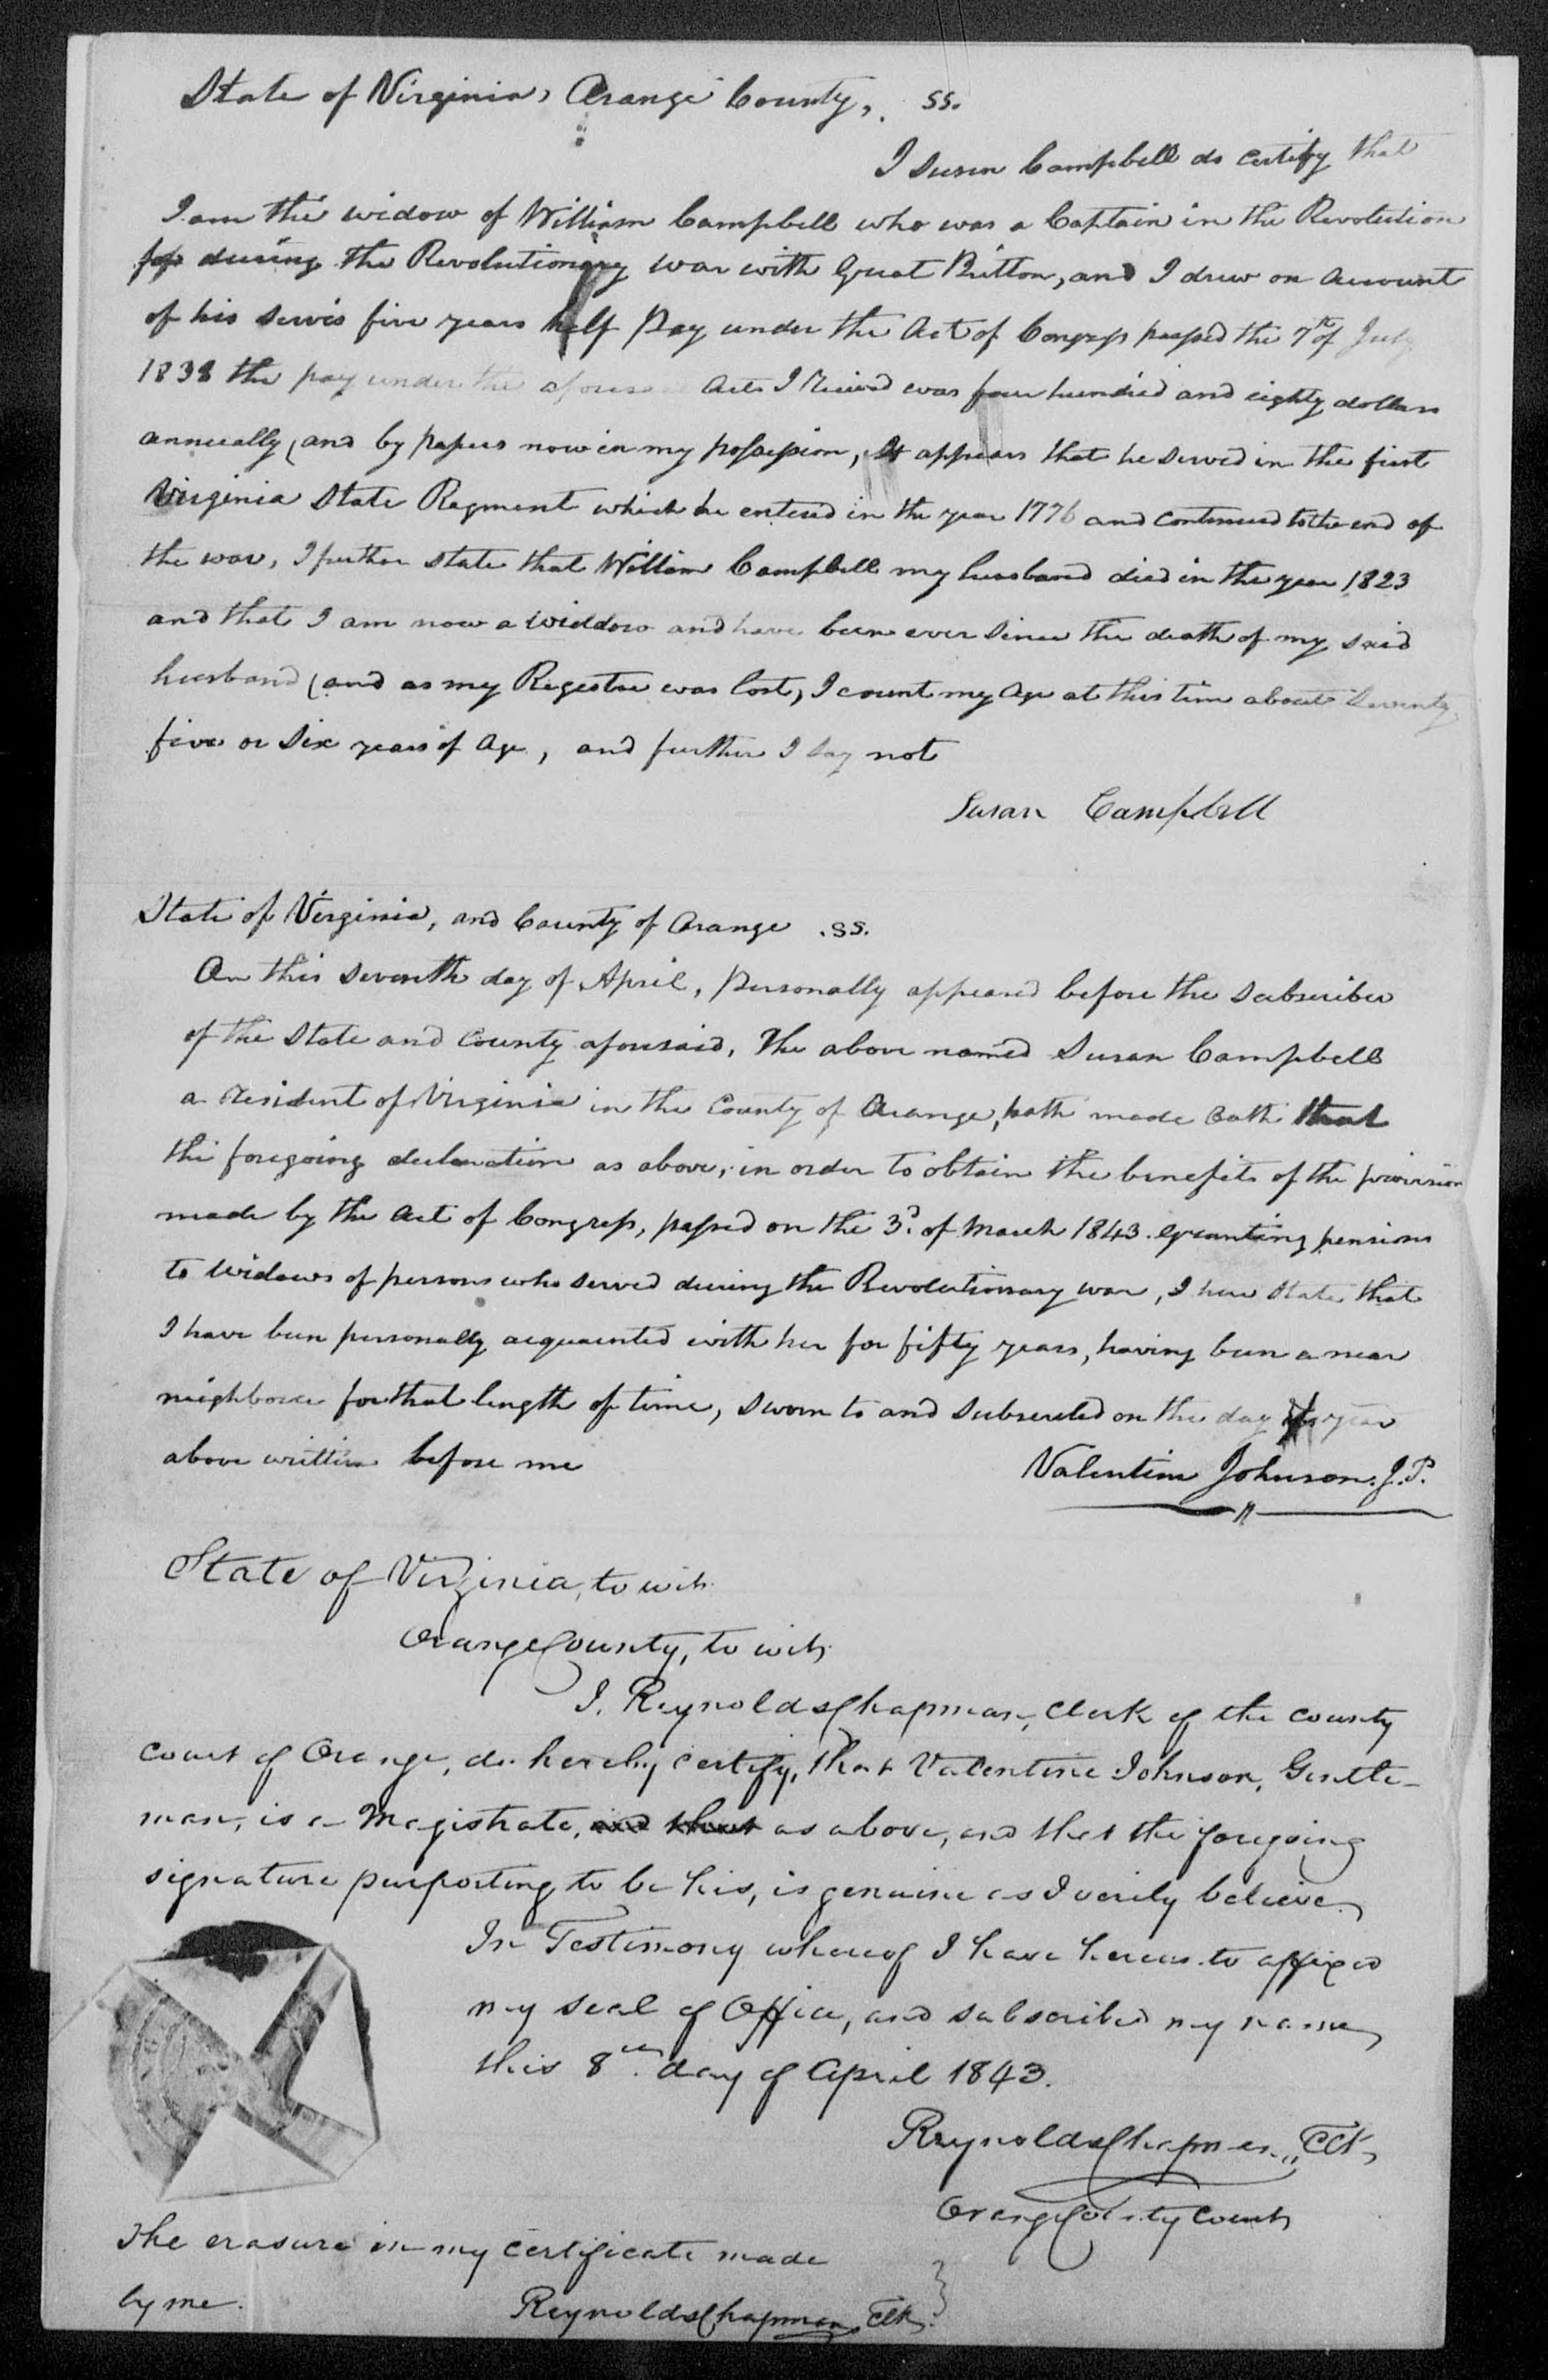State of Virginia, Orange County, SS.
I Susan Campbell do certify that I am the widow of William Campbell who was a Captain in the Revolution during Revolutionary War with Great Britton, and I drew on account of his servis five years half pay under the Act of Congress passed the 7th of July 1832 the pay under the aforesaid act I received was four hundred and eighty dollars annually and by papers now in my possession, it appears that he served in the first Virginia State Regiment which he entered in the year 1776 and continued to the end of the war, I further state that William Campbell my husband died in the year 1823 and that I am now a widdow and have been ever since the death of my said husband, and as my Register was lost, I count my age at this about about seventy five or six years of age, and further I say not.
Susan Campbell

State of Virginia, and County of Orange, SS.
On this seventh day of April, personally appeared before the subscriber of the State and County aforesaid, the above named Susan Campbell a resident of Virginia in the county of Orange, hath made oath that the foregoing declaration as above, in order to obtain the benefit of the provisions made by the Act of Congress, passed on the 3d of March 1843, granting pensions to widows of persons who served during the Revolutionary War, I here state that I have been personally acquainted with her for fifty years, having been a near neighbor for that length of time, Sworn to and subscribed on the day & year above written before me
Valentine Johnson J.P.

State of Virginia, to wit.
Orange County, to wit.
I Reynolds Chapman, Clerk of the county court of Orange, do hereby certify, that Valentine Johnson, Gentleman, is a magistrate as above, and that the foregoing signature purporting to  be his, is genuine as I verily believe.
In Testimony whereof I have hereto affixed my seal of office, and subscribed my name, this 8th day of April 1843
Reynolds Chapman Clk.
Orange County Court

[SEAL]

The erasure in my certificate made by me.
Reynolds Chapman  Clk.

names: Susan Campbell, Valentine Johnson, William Campbell, Susan Campbell, Reynolds Chapman, Reynolds Chapman, Susan Campbell, William Campbell, Valentine Johnson, Reynolds Chapman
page: 218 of 267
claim: widow's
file: W. 4,149, William Campbell, Va.